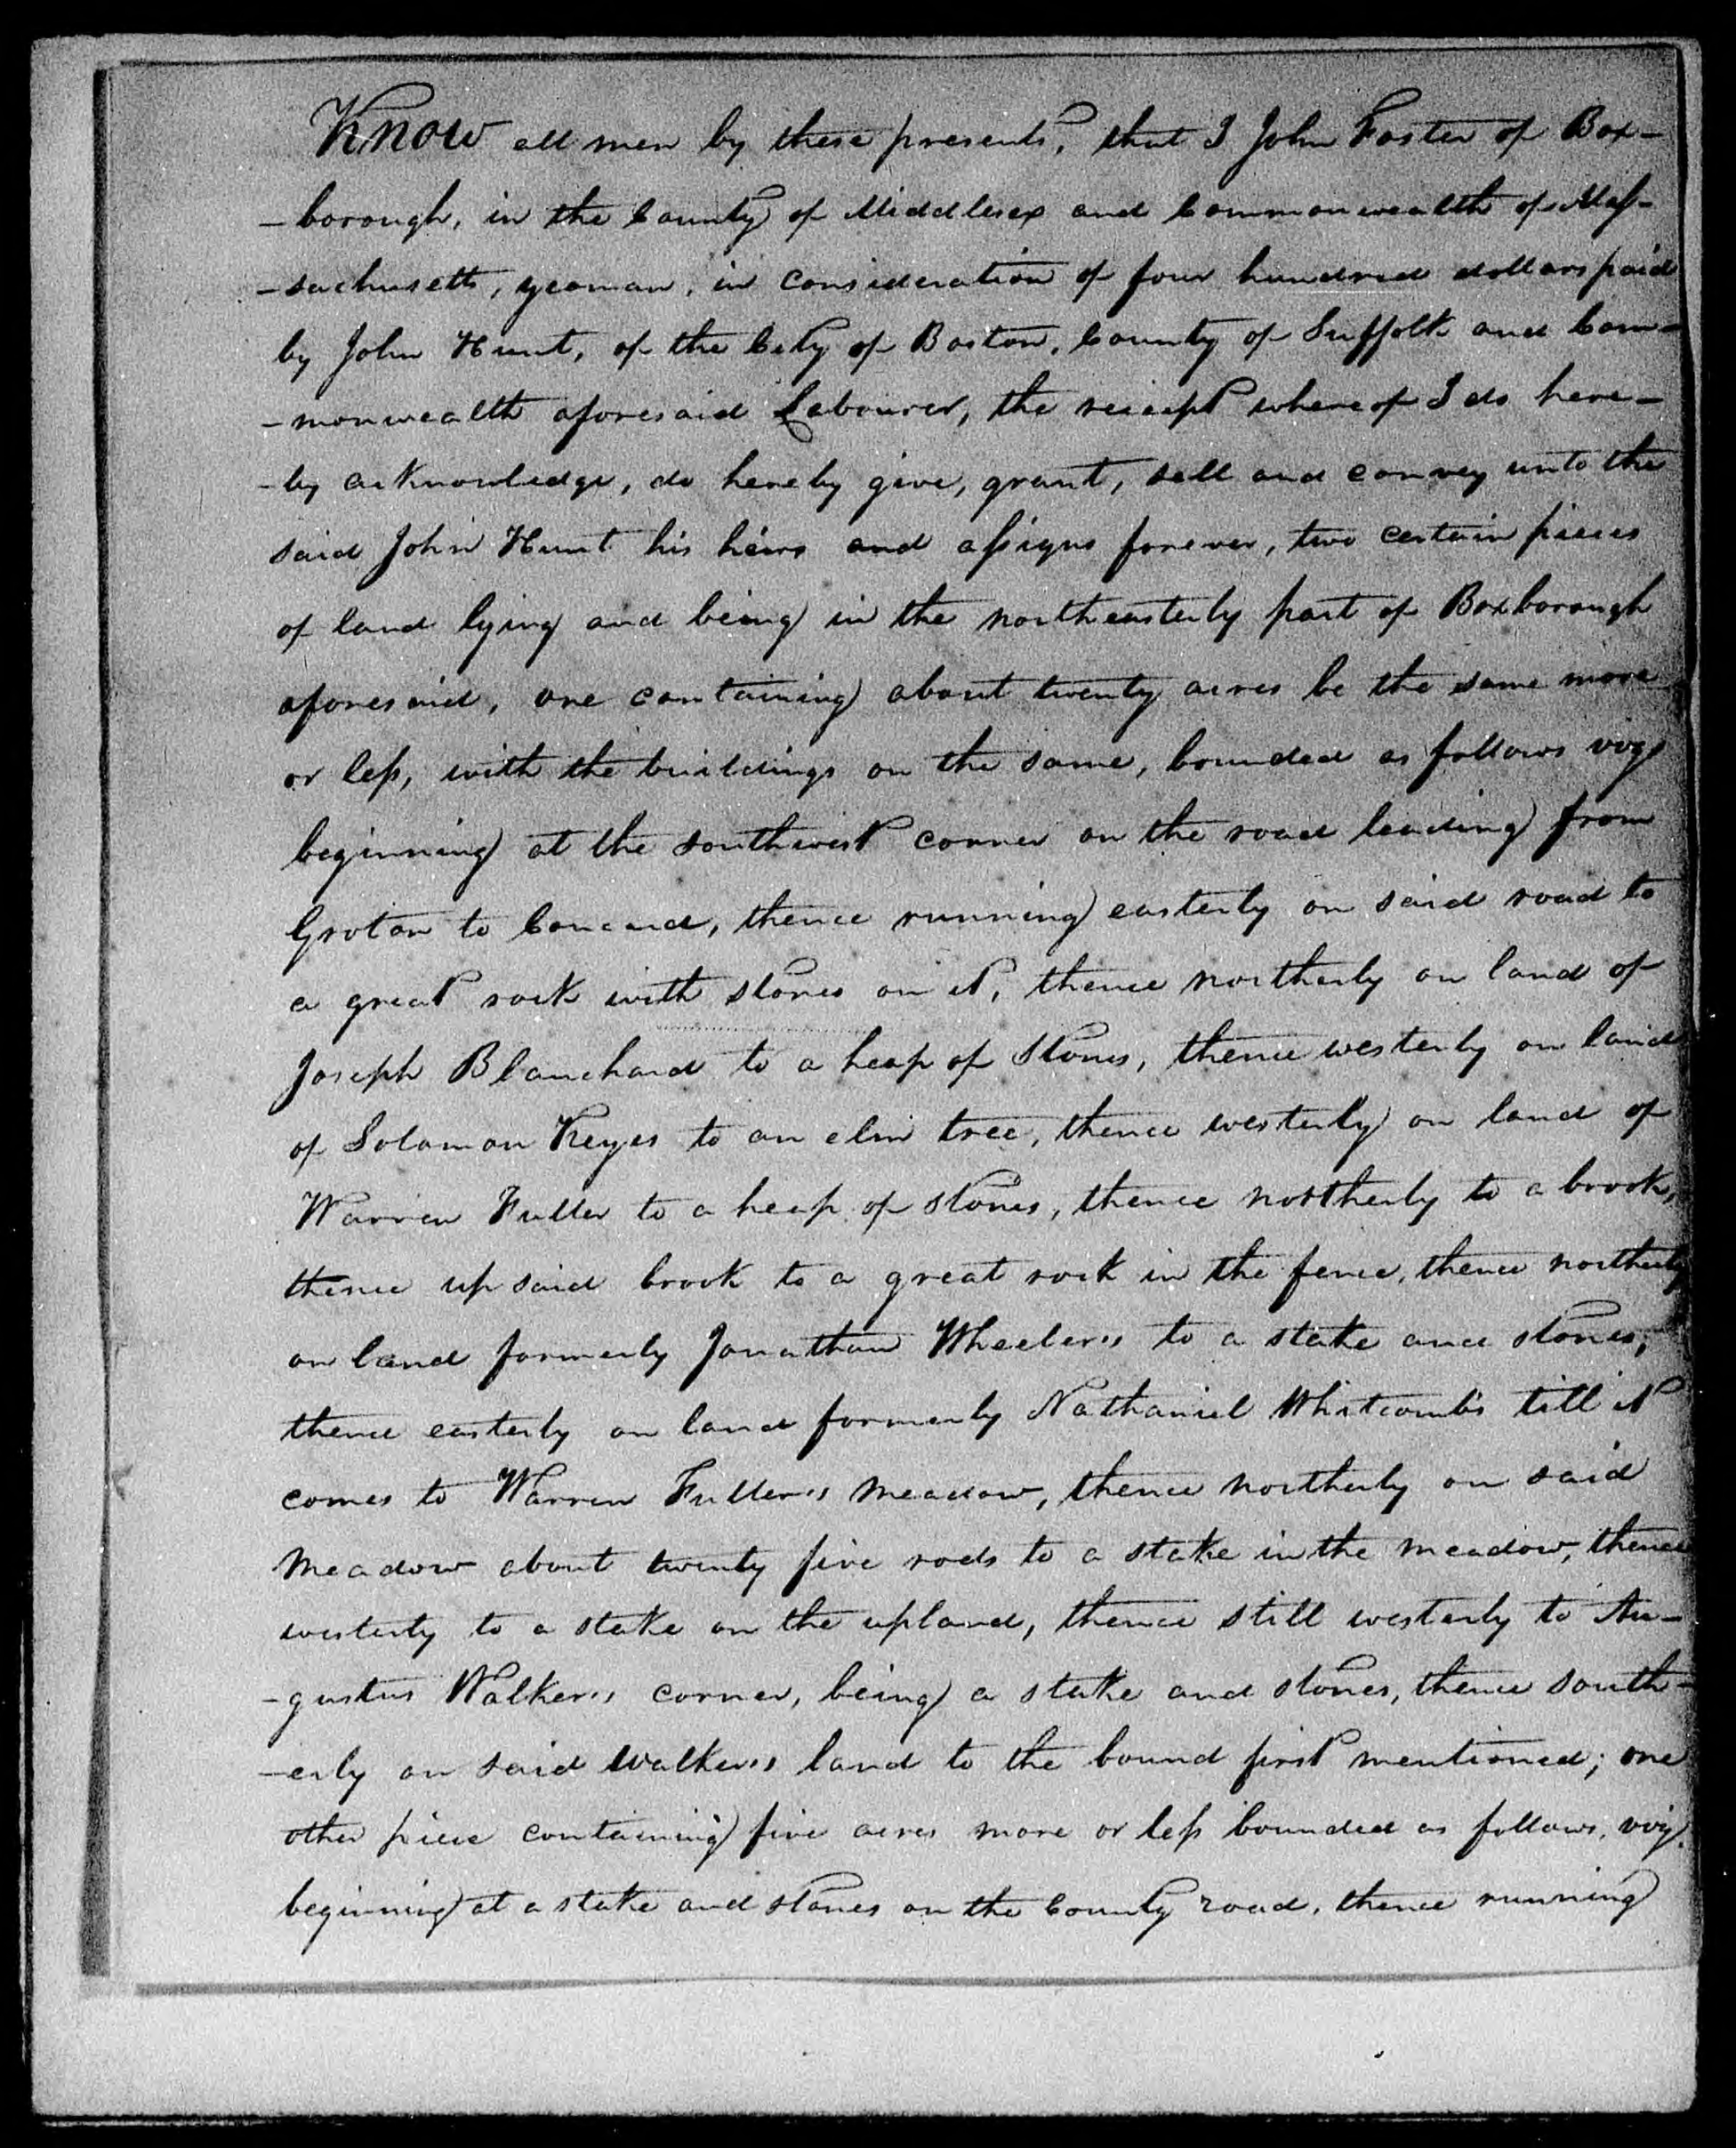Know all men by these presents that I John Foster of Boxborough in the County of Middlesex and Commonwealth of Massachusetts yeoman in consideration of $400. 00 paid by John Hunt of the City of Boston, County of Suffolk, and Commonwealth aforesaid Labourer, the receipt whereof I do hereby acknowledge do hereby give, grant, sell and convey unto the said John Hunt his heirs and assigns forever, two certain pieces of land lying and being in the northeasterly part of Boxborough aforesaid, one containing about 20 acres be the same more or less with the buildings on the same, bounded as follows viz: beginning at the southwest corner on the road leading from Groton to Concord, thence running easterly on said road to a great rock with stones on it, thence northerly on land of Joseph Blanchard to a heap of stones, thence westerly on land of Soloman Preyer [illegible] to an elm tree, thence westerly on land of Warren Fuller to a heap of stones thence northerly to a brook, thence up said brook to a great rock in the fence thence northerly on land former land Jonathan Wheeler's to a stake and stones thence easterly on land formerly Nathaniel Whitcomb's 'til it comes to Warren Fuller's meadow, thence northerly on said meadow about 25 rods to a stake in the meadow, thence westerly to a stake on the upland, thence still westerly to Augustus Walker's corner, being a stake and stones, thence southerly on said Walker's land to the bound first mentioned; one other piece containing five acres more or less bounded as follows, viz: beginning at a stake and stones on the county road, thence running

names: John Hunt, Warren Fuller, Joseph Blanchard, Walker, Solomon Keyes, John Foster, Warren Fuller, Augustus Walker, Jonathan Wheeler, John Hunt, Nathaniel Whitcomb, Meadow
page: 44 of 47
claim: widow's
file: W. 7,302, John Foster, Continental Mass. R.I.